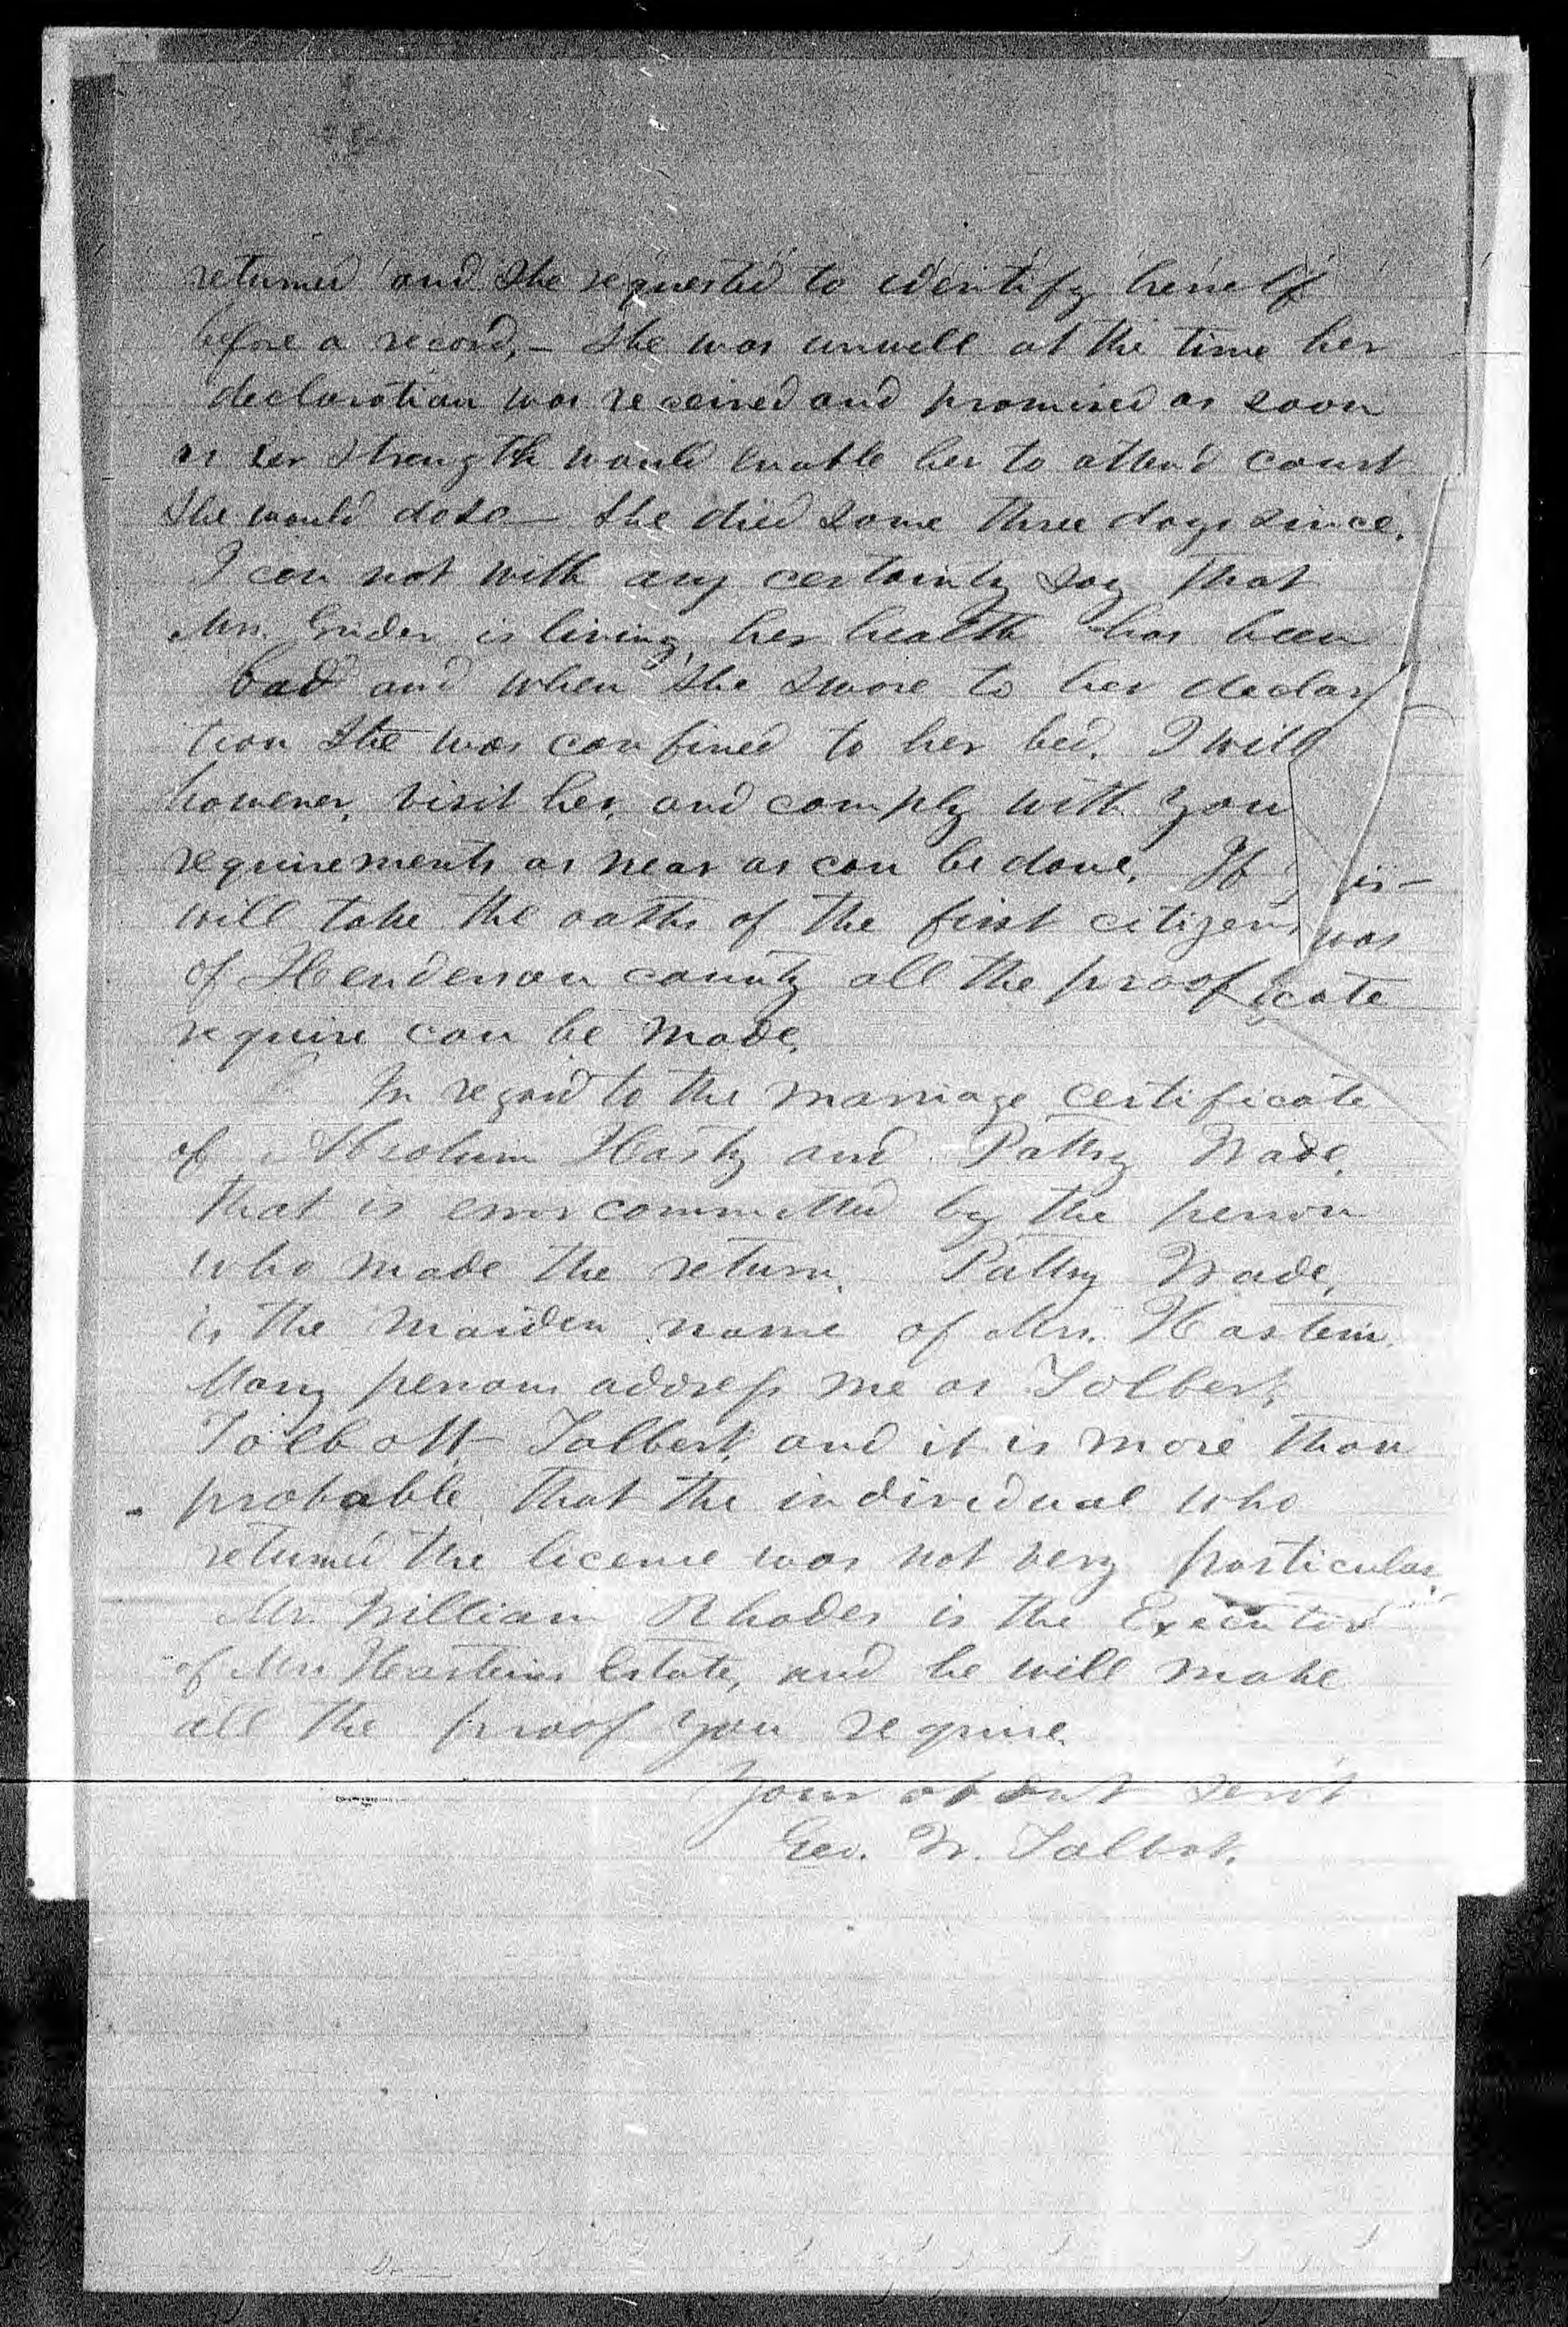returned and  she requested to certify herself before a record, She was unwell at the time her declaration was received and promised as soon as her strength would enable her to attend court she would do so. She died some three days since.  I cannot with any certainty say that Mrs. Grider is living, her health has been bad and when she swore to her declaration she was confined to her bed. I will however, visit her, and comply with your requirements as near as can be done.  If [illegible due to copy fold] will take the oaths of the first citizens  [? missing text] of Henderson County all the proof [not copied] require can be made.
     In regard to the marriage certificate of Absolum Hasty and Pattsy  Wade, is the maiden name of MRs Hasteins Mary previous address me as Tolbert, Tolbott- Talbert and it is more than probable that the individual  who returned the license was not very particular  Mr. William Rhodes is the Executor of Mrs. Hasteins estate, and he will make all the proof you require.  
Your Obedient servt.
Geo. W.Talbot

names: Tolbert, Geo W Talbot, Grider, Absolum Hasty, Tolbott, Pattsy Wade, Hasteins, Tolbert, Pattsy Wade, William Rhodes, Hastein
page: 46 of 91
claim: widow's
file: W 358, John Grider, N.C.